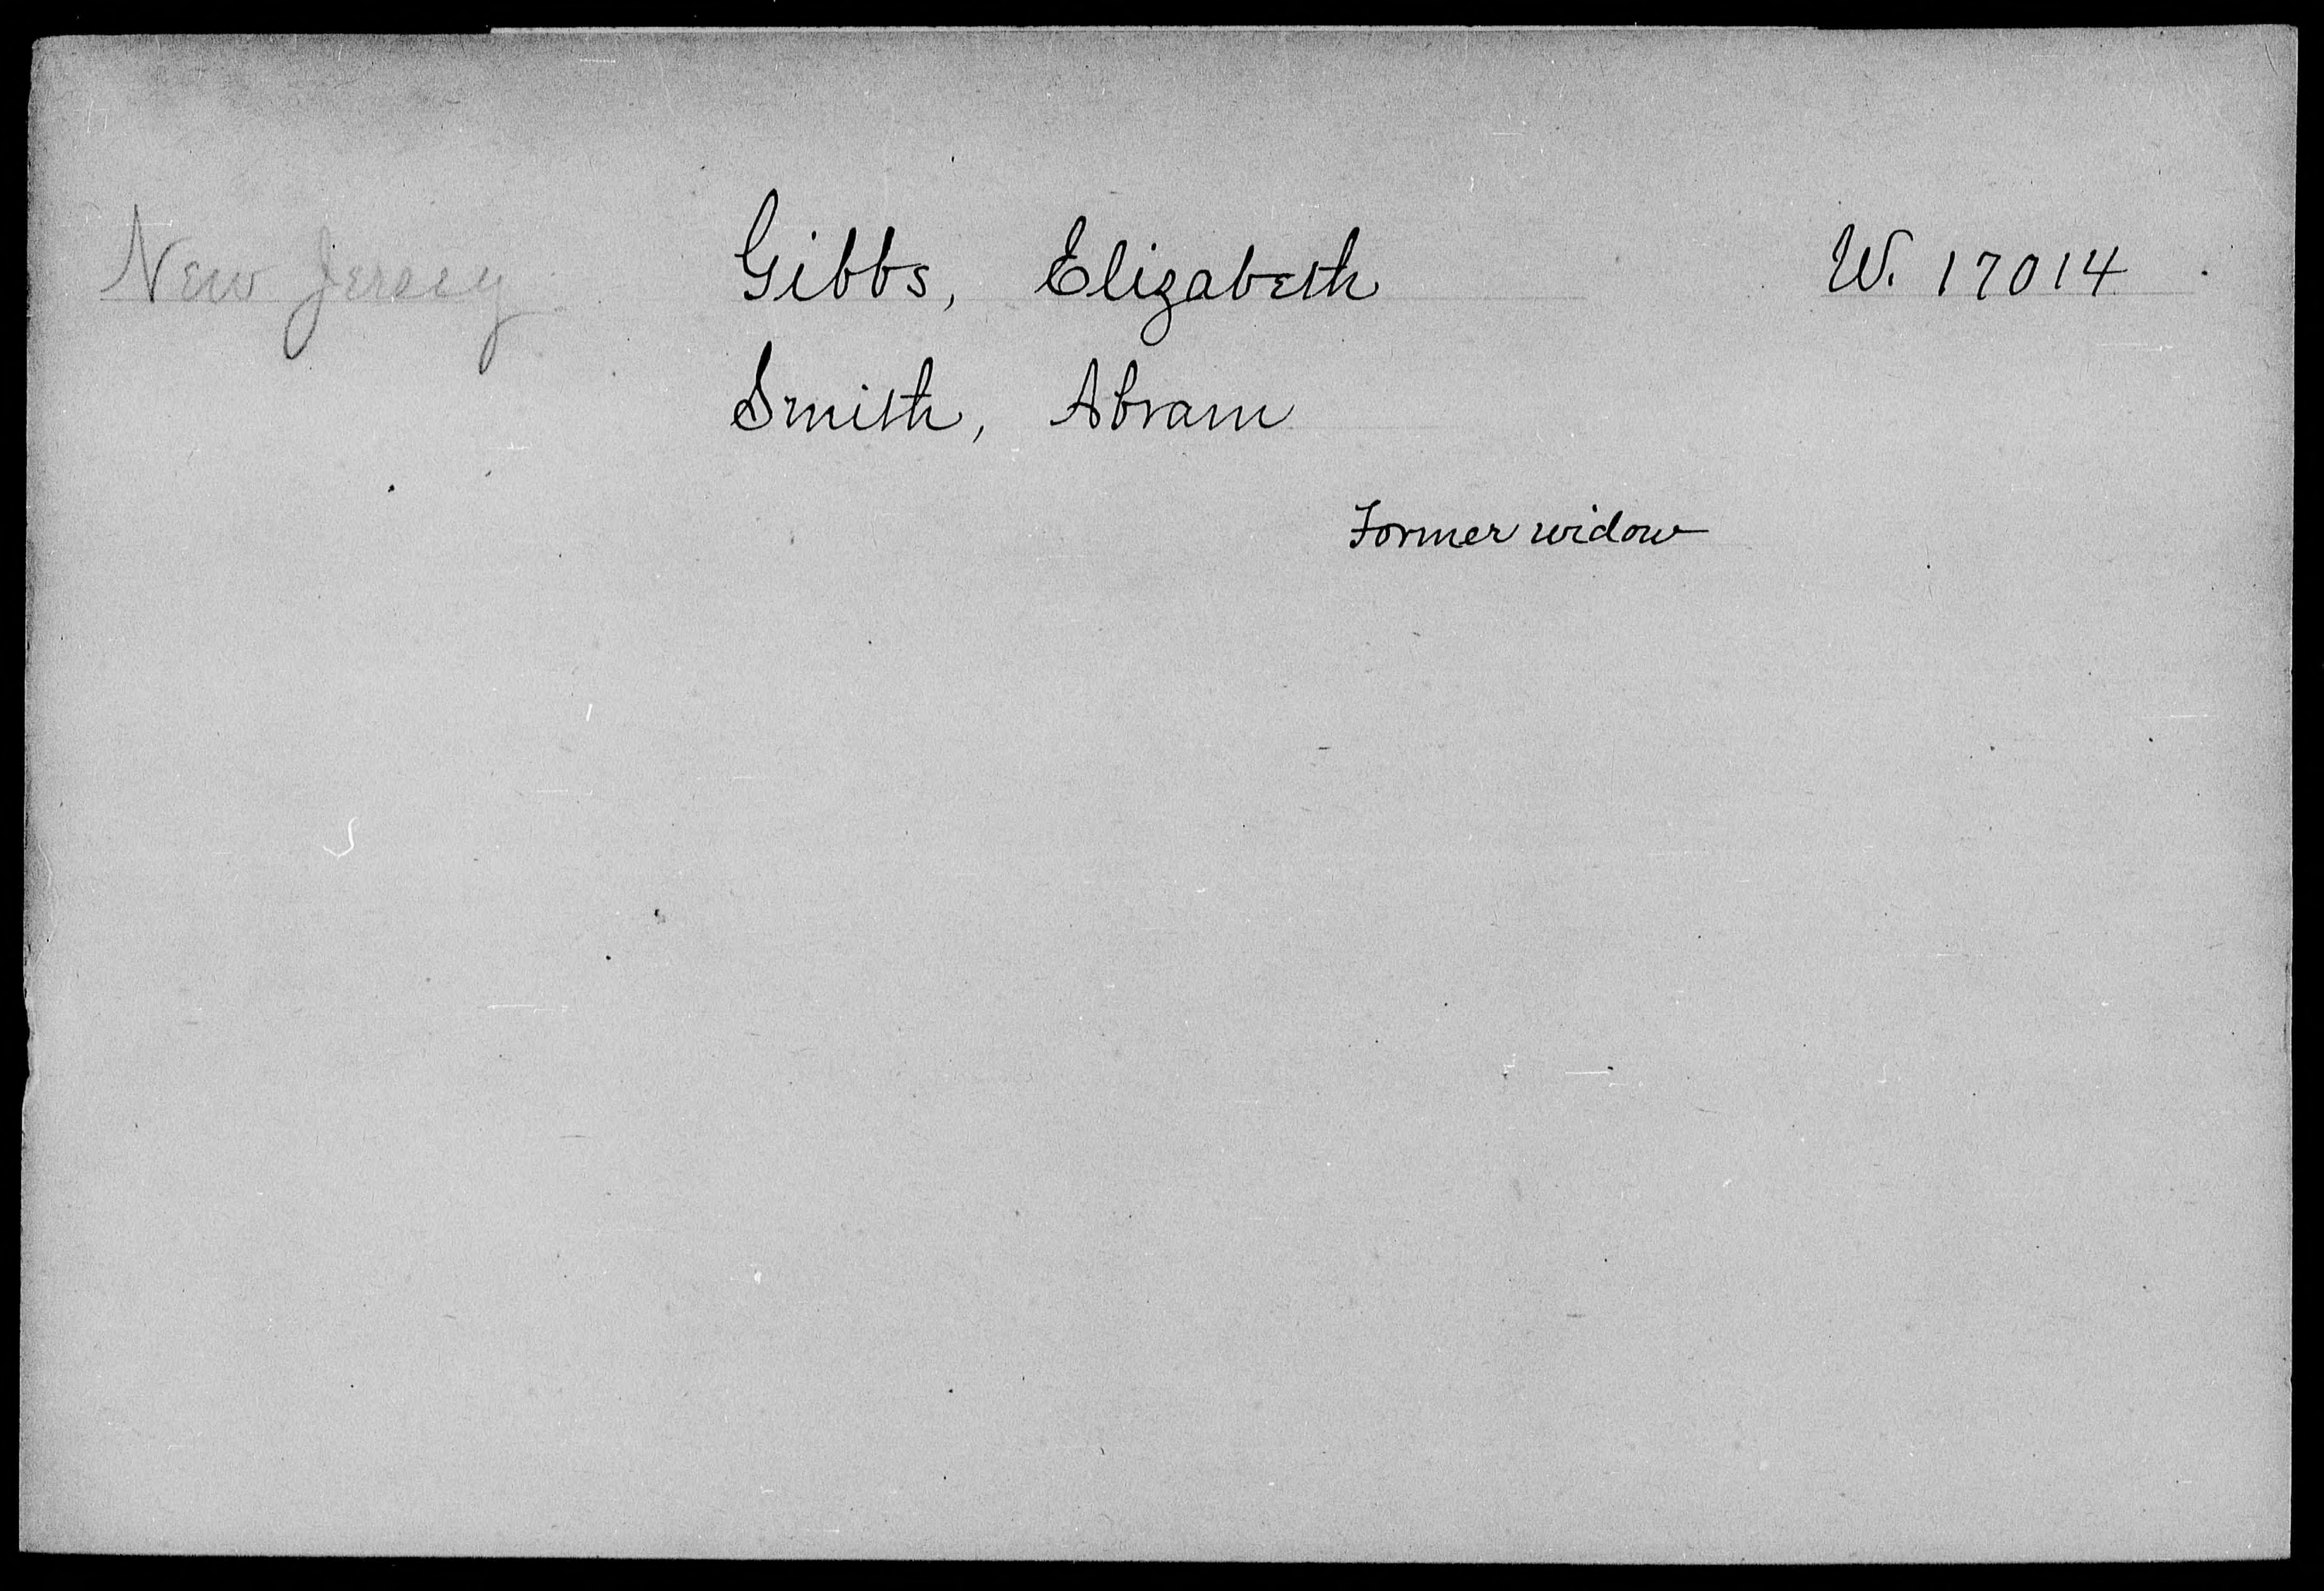New Jersey 
Gibbs, Elizabeth.  W.17014
Smith, Abram
Former widow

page: 1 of 1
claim: widow's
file: W. 17014, Elizabeth Gibbs, New Jersey